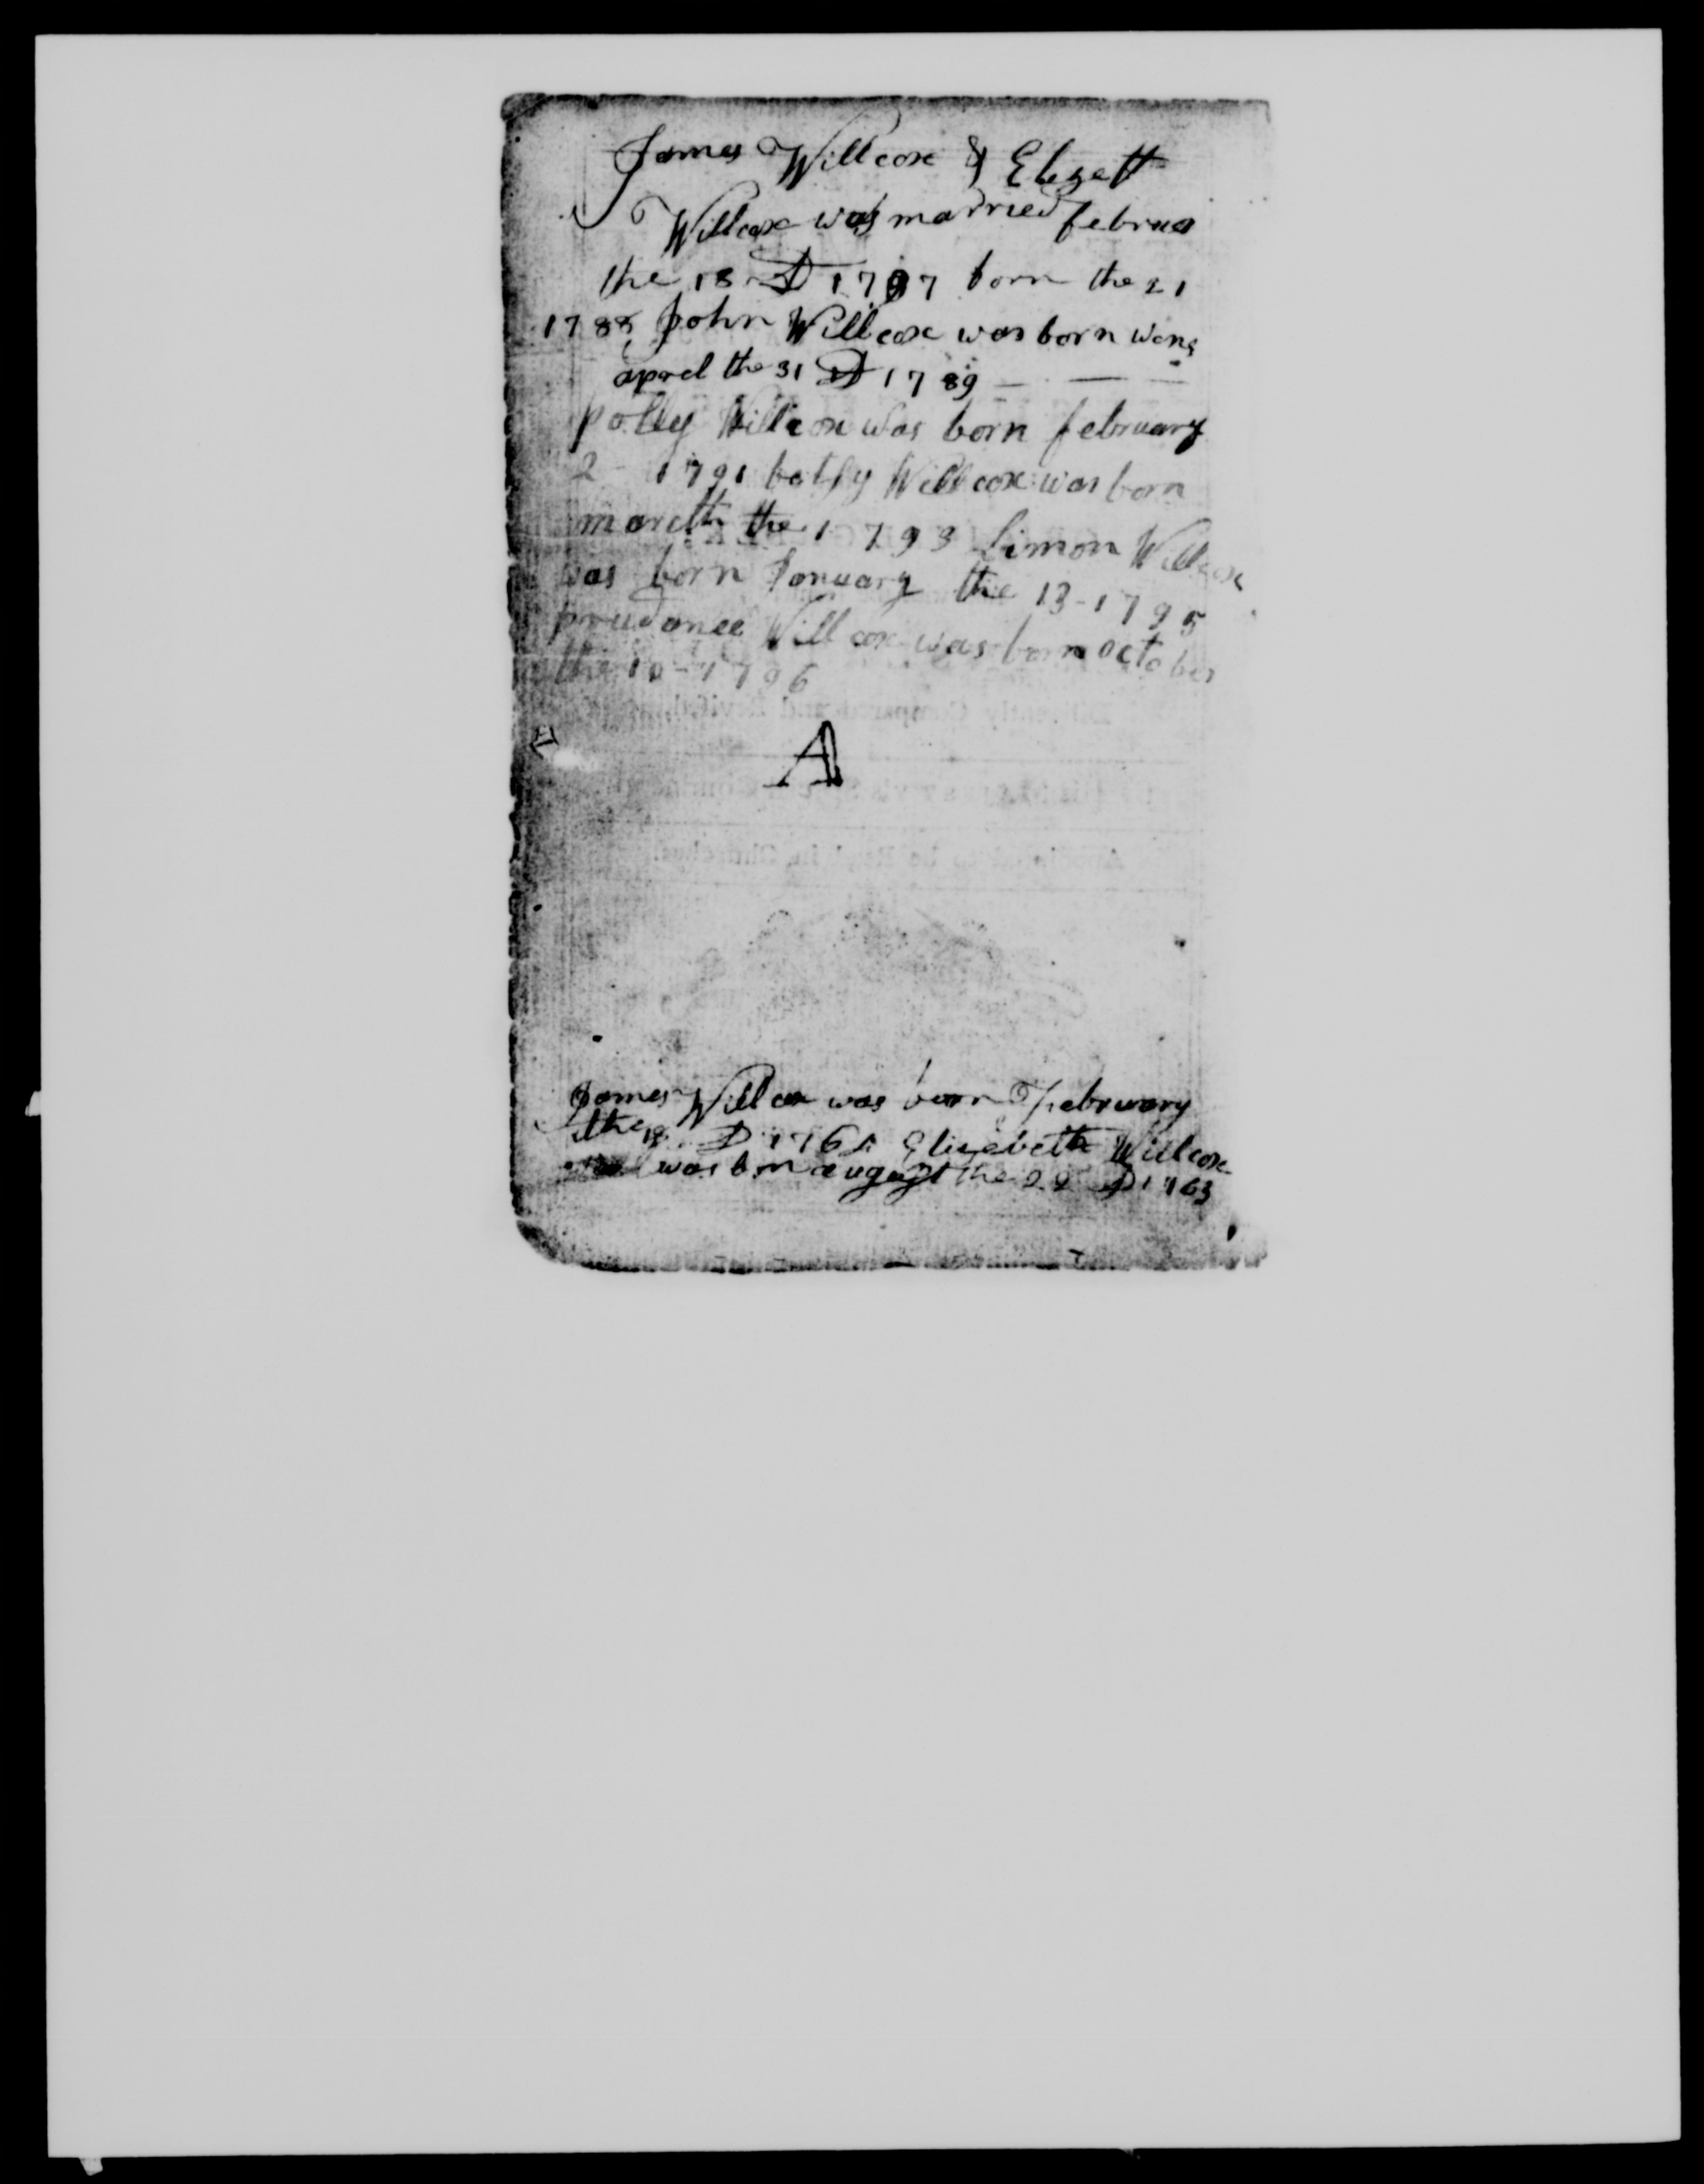James Willcox & Elezebt Willcox was married februa the 18th AD 17?7 born the 21 1788 John Willcox was born wene apad the 31 AD 1789–
Polly Willcox was born february 2 1791 betsy Willcox was born marcht the 1793 Simon Willcox was born january the 13-1795 prudance Willcox was born  october the 10-1796

A

James Willcox was born February the 18 AD 176? Elisebeth Willcox was born gugust the 22 AD 1763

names: Polly Willcox, Simon Willcox, James Willcox, Elizebeth Willcox, Elizeth Willcox, John Willcox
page: 16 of 46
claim: widow's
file: W. 18,417, James Willcox, Conn.